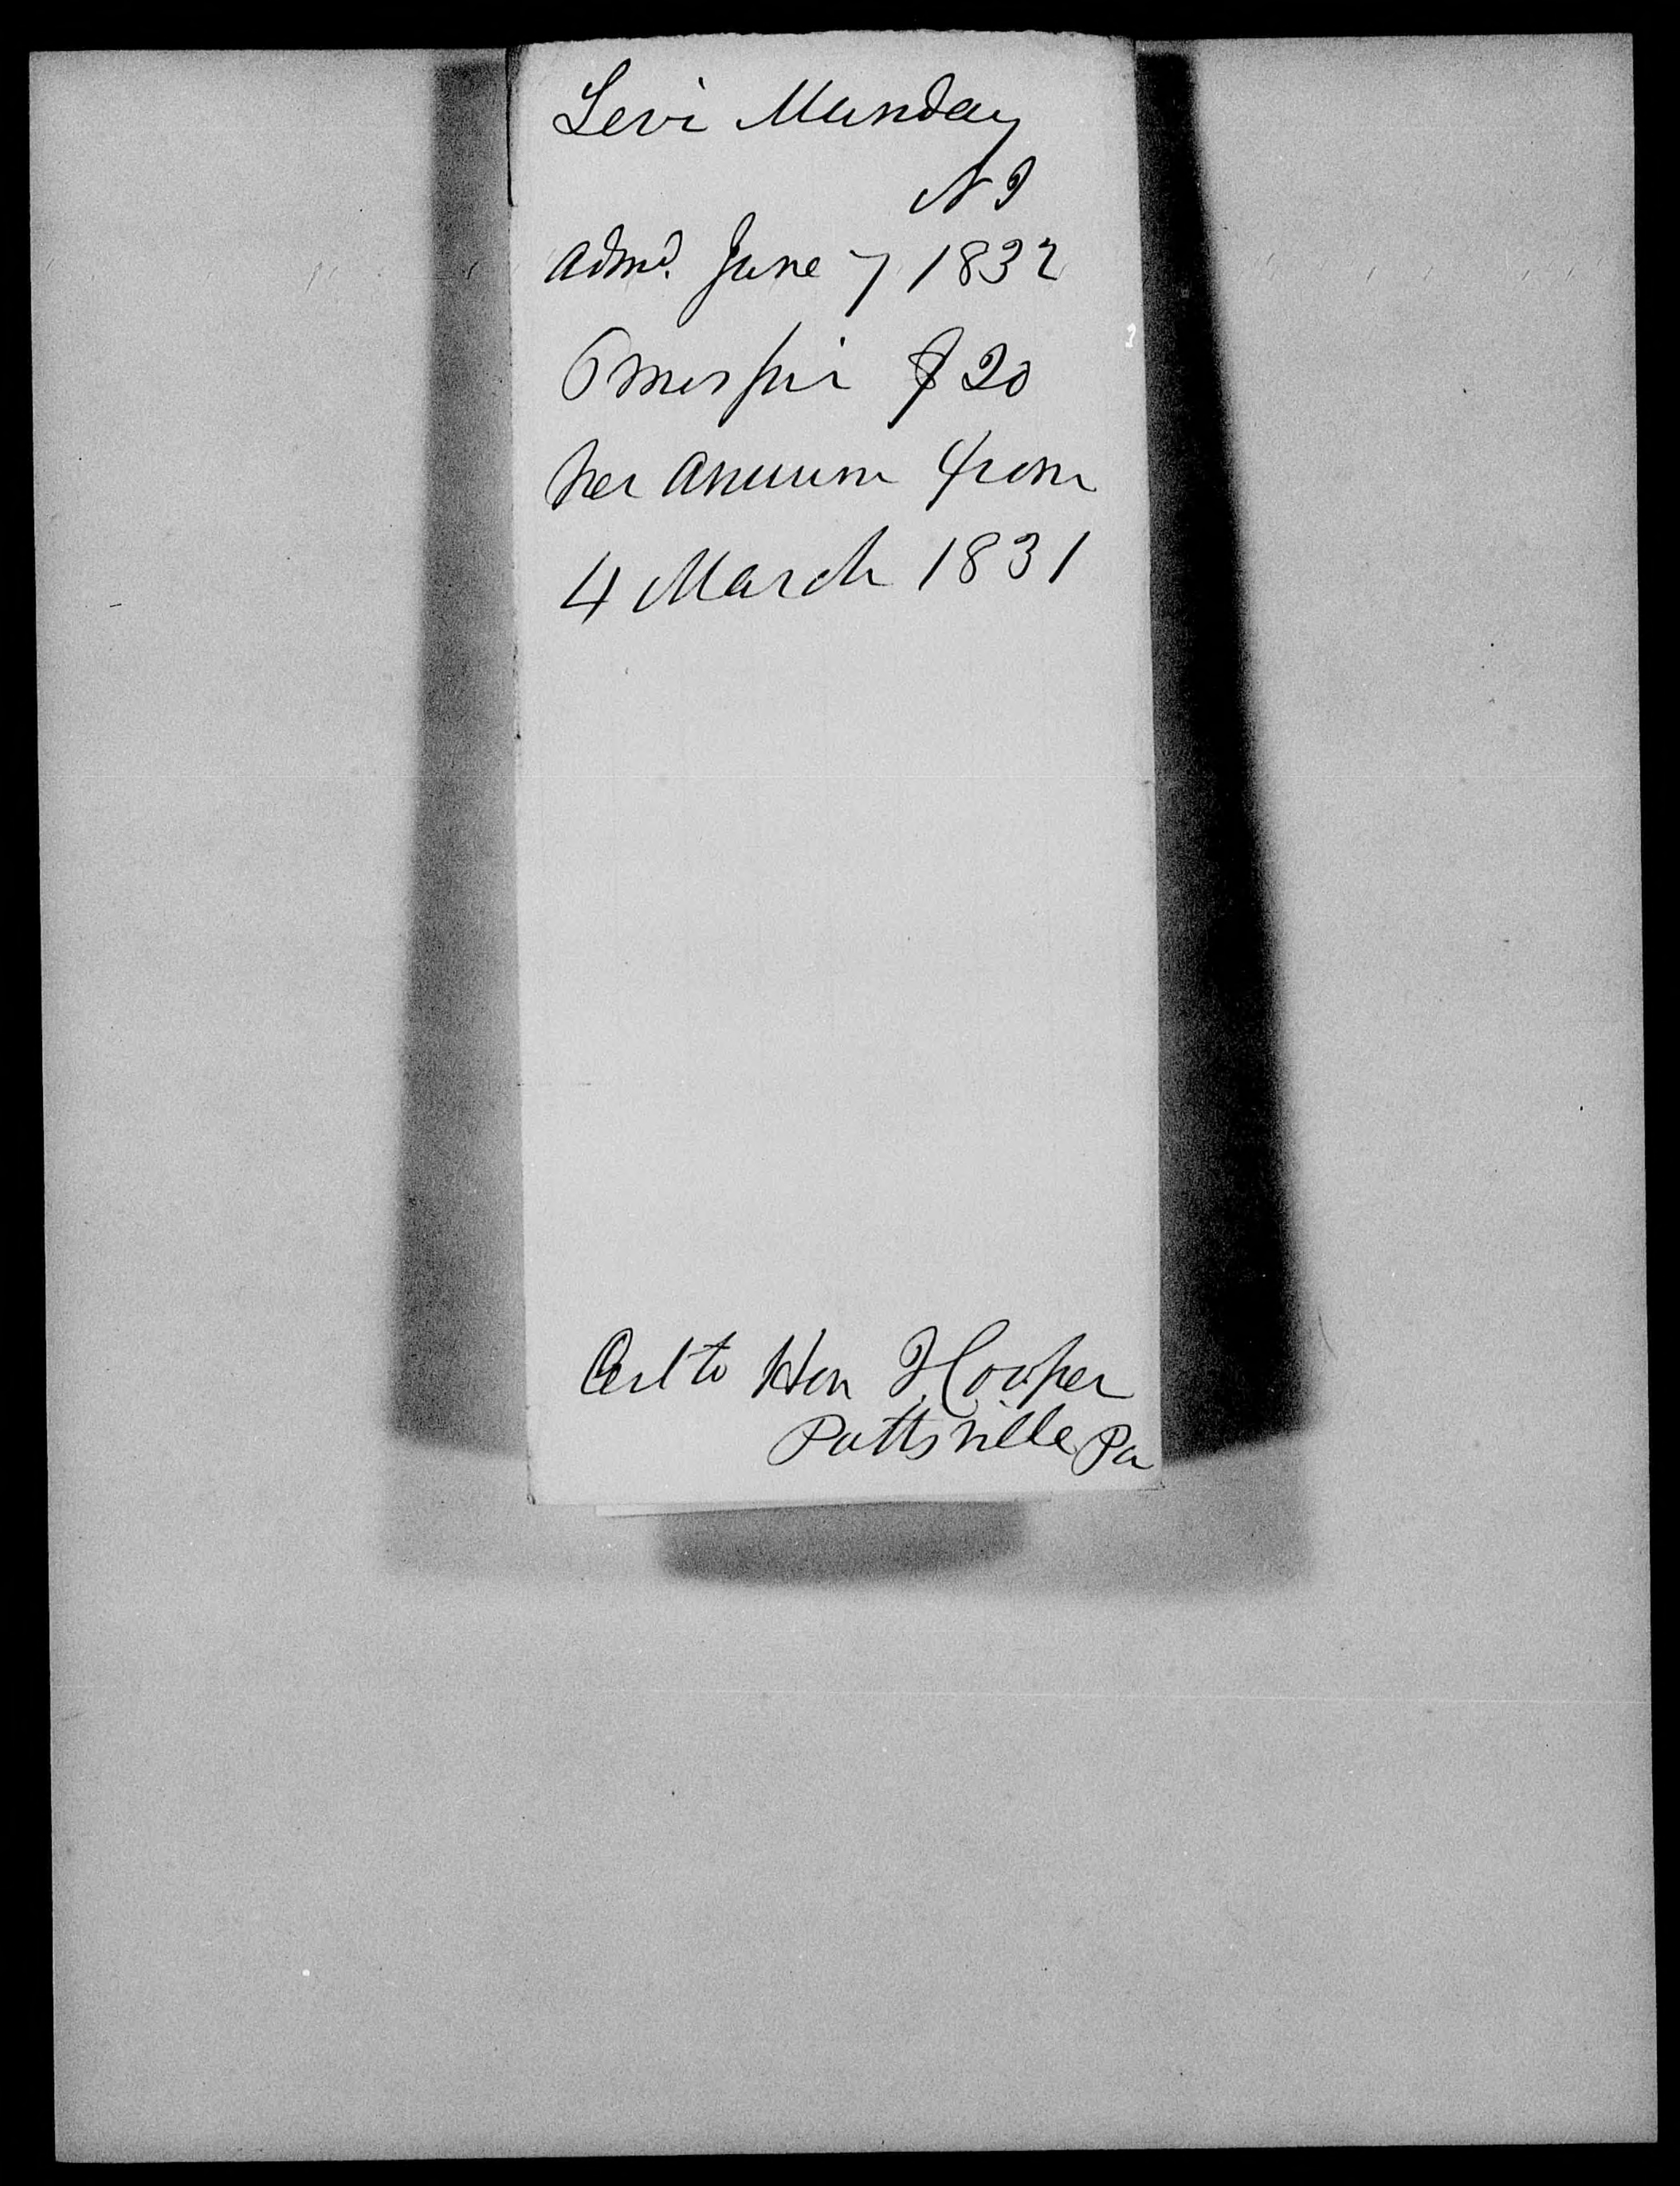Levi Munday
N.J.

Adm(itted) June 7 1832

6 mos. for $20 per annum from 4 March 1831.

Cert(ificate sent) to Hon J. Cooper, Pottsville, Pa.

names: Levi Munday; J Cooper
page: 17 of 95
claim: survivor's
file: S 2889, for Levi Mundy, New Jersey